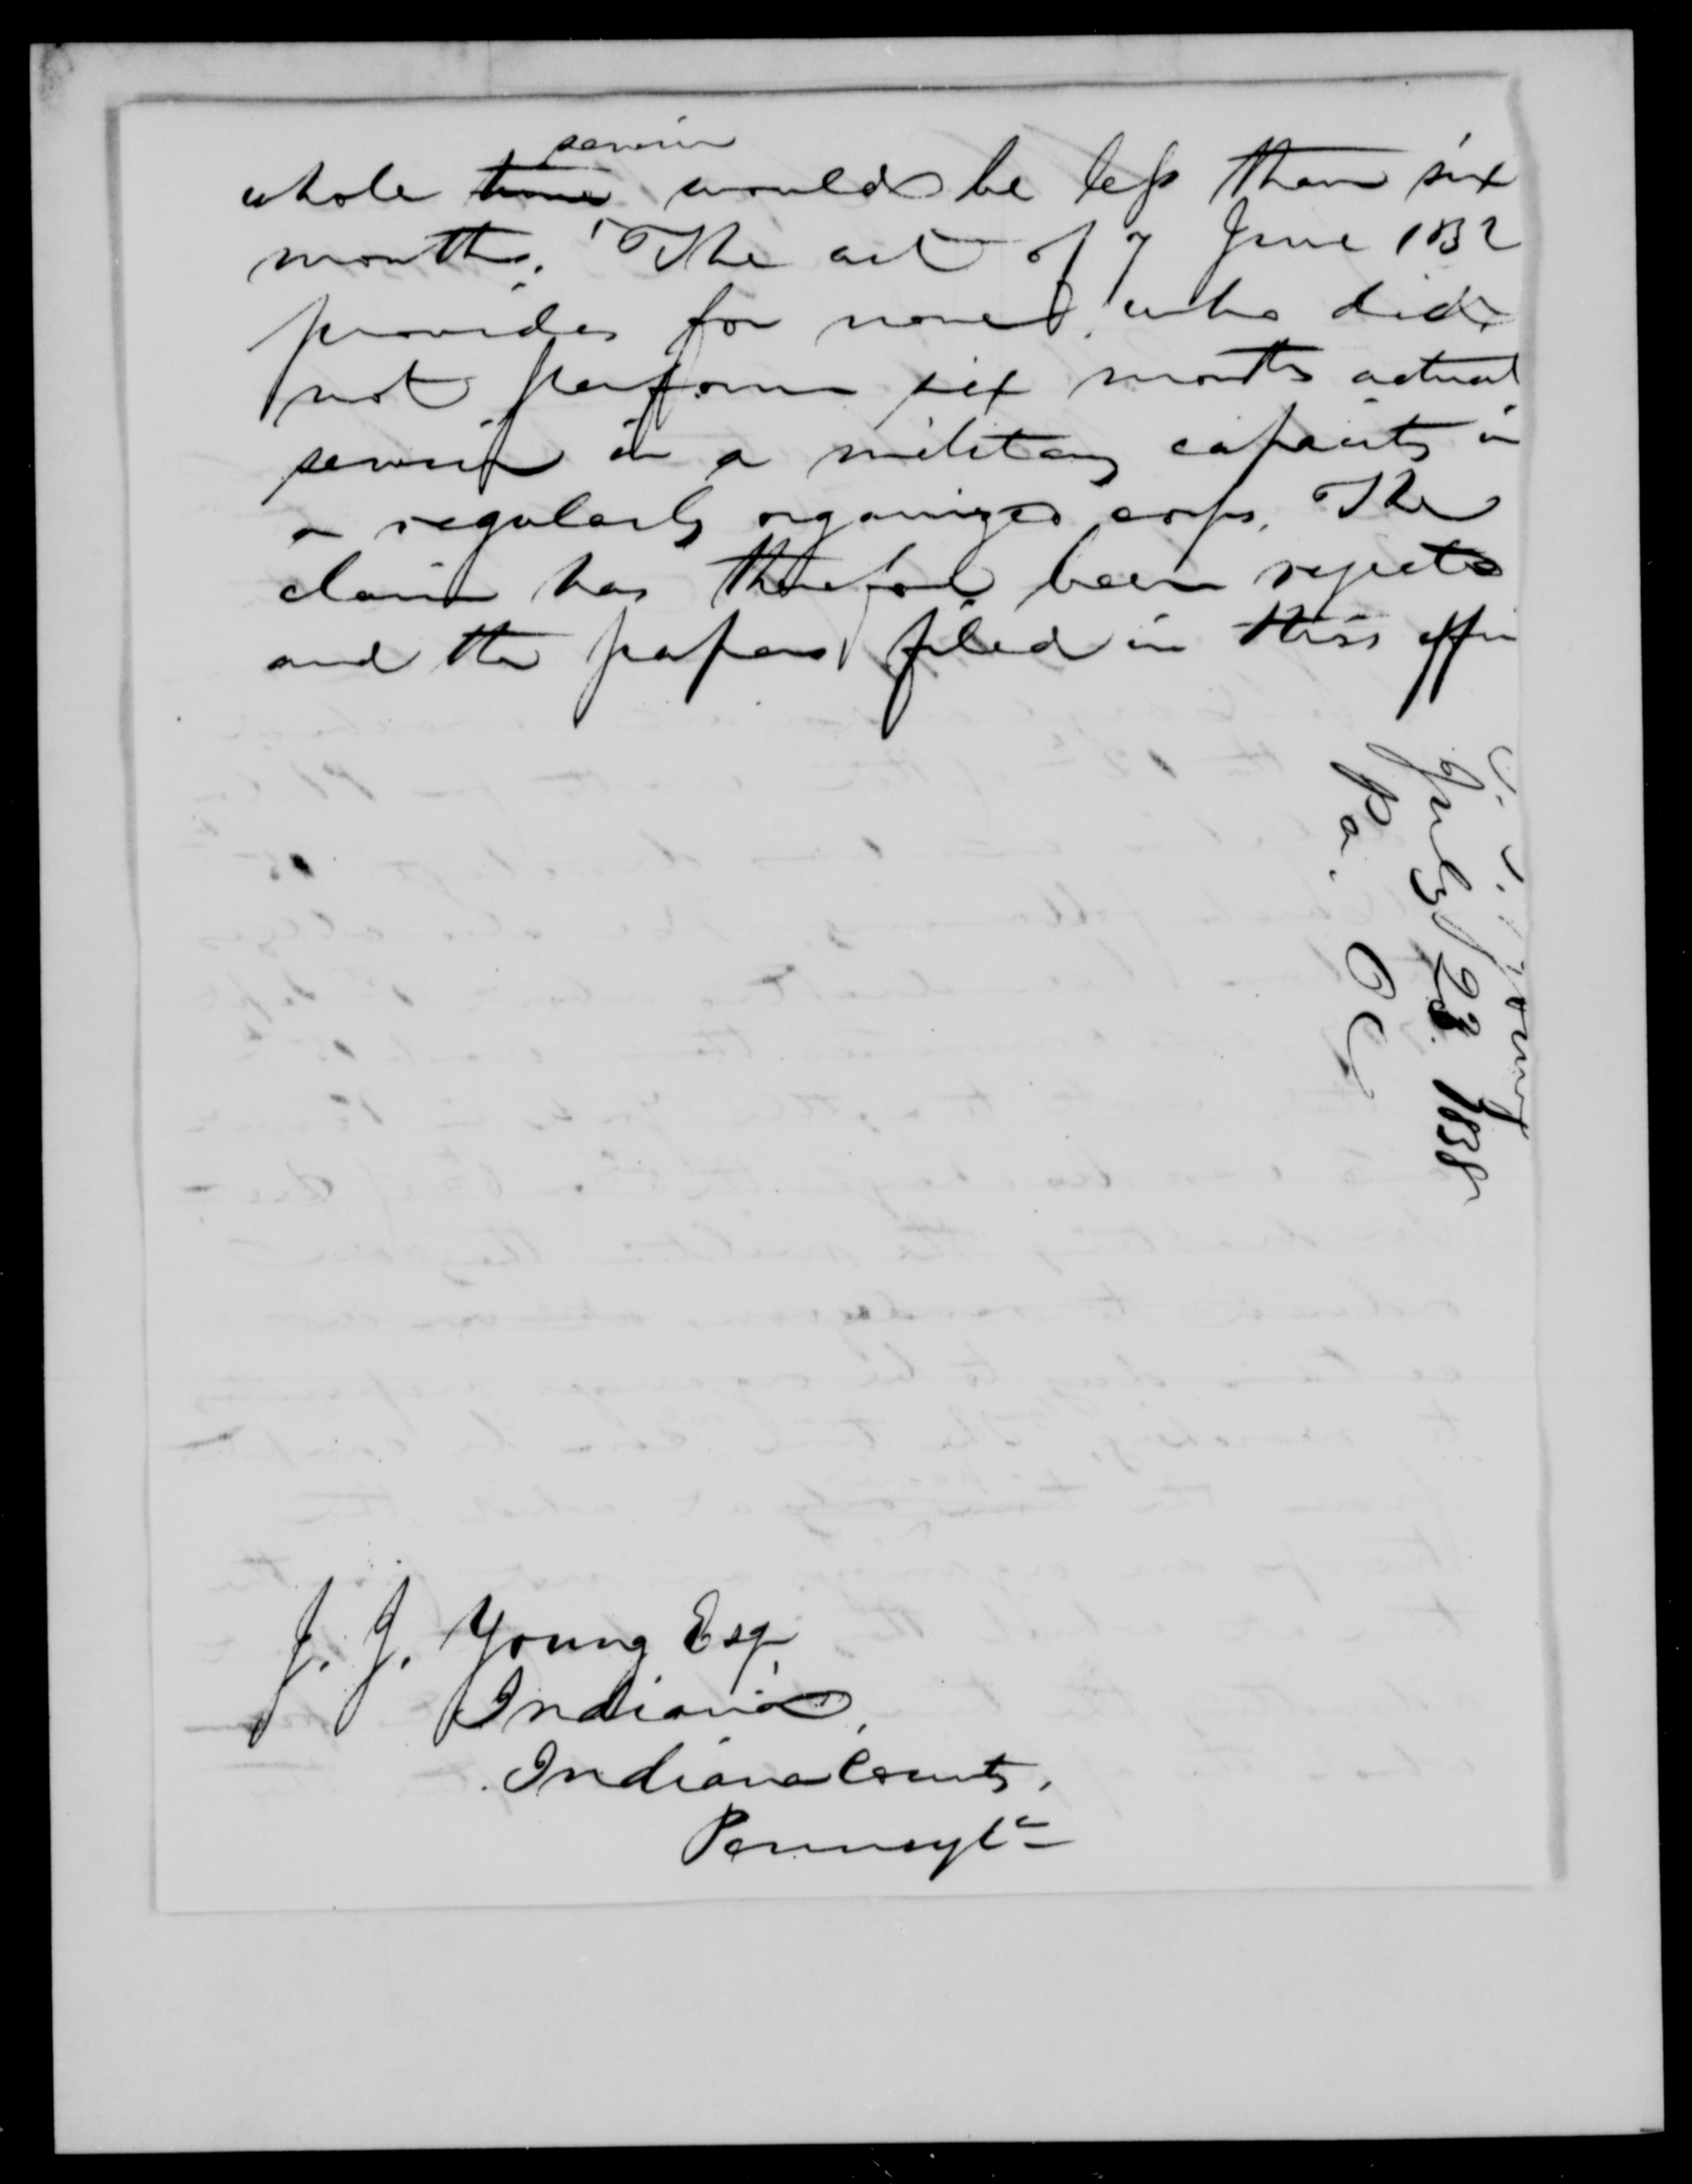whole service would be less than six
months. The act of 7 June 1832
provides for none who did not
perform six months actual
service in a military capacity in a 
regularly organized corps. The
claim has therefore been rejected
and the papers filed in this office.

J. J. Young Esq.
Indiana
Indiana County,
Pennsyl’a

[right margin-sideways]
J. J. Young
July 23, 1838
Pa.  O C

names: J J Young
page: 15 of 18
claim: rejected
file: R. 11854, Adam Woolheater, Md.